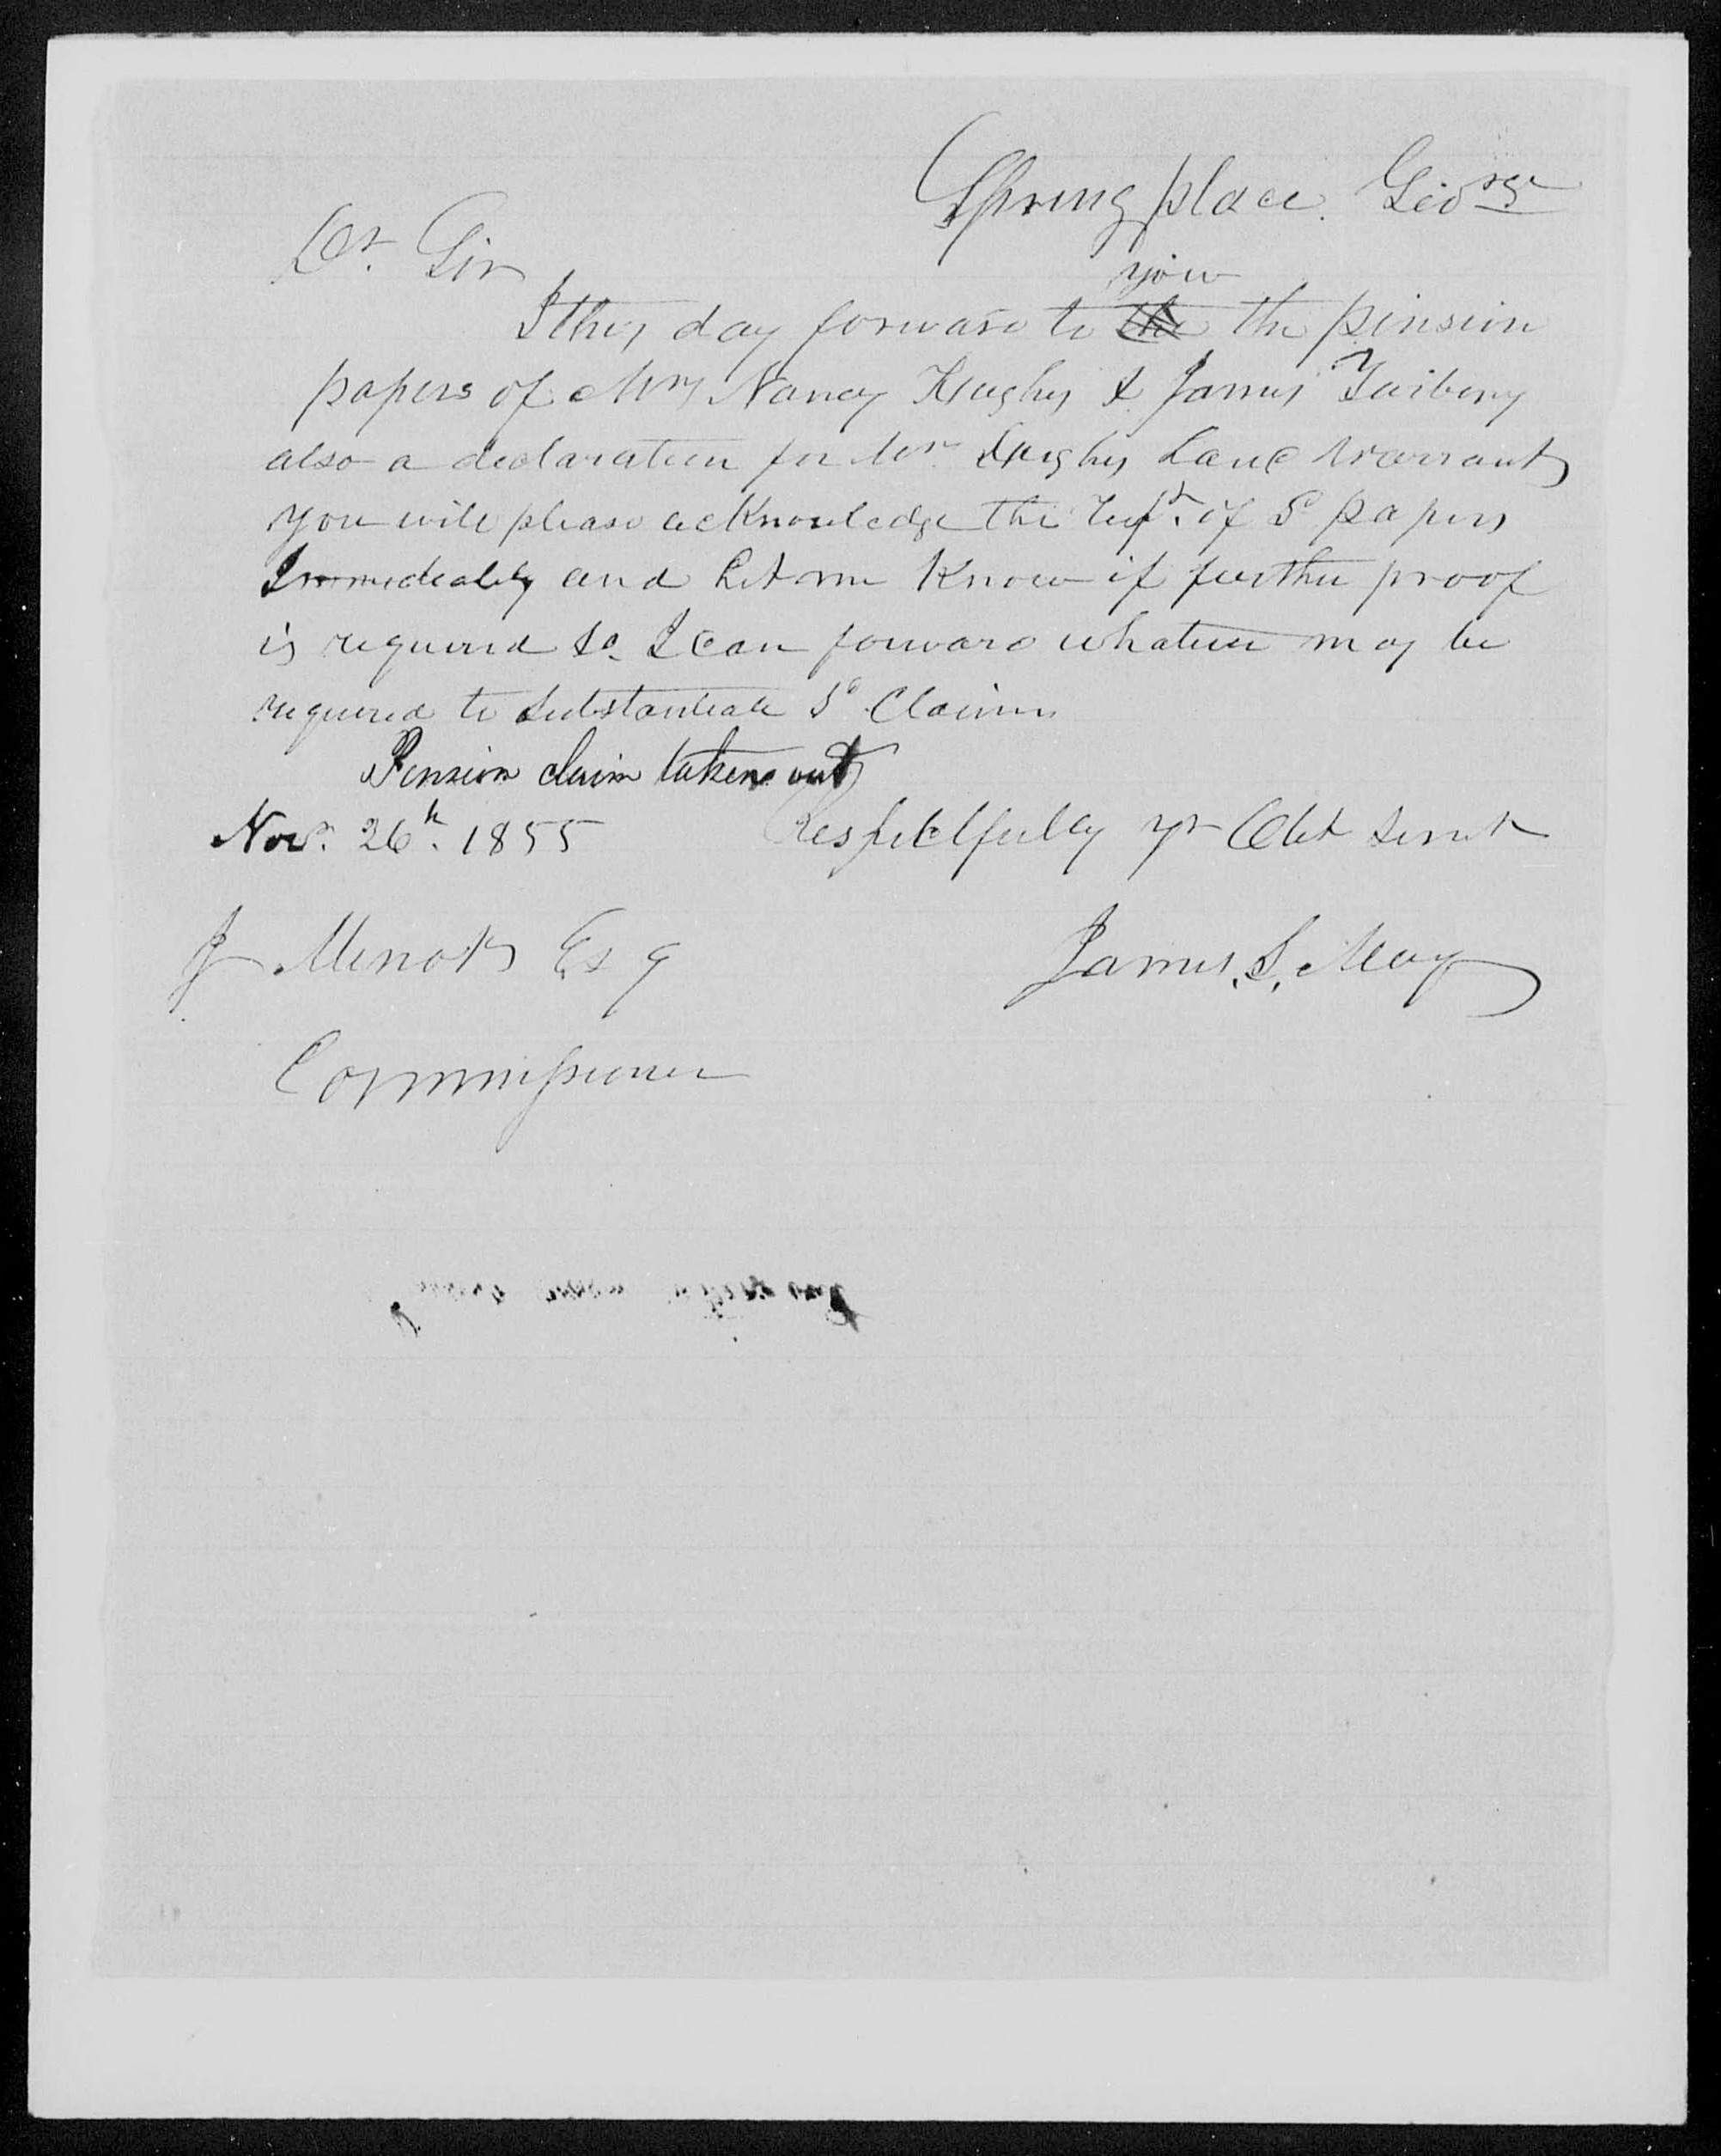Spring place.  George

Dr Sir 
[illegible] day forward to you the pension papers of Mrs Nancy Hughes & James Yarbery also a declaration for Mr Hughes Land warrant you will please acknowledge the receipt of 5 papers Immediately and let me know if further proof is required so I can forward whatever may be required to substantiate a Claim 
Pension claim taken out 
Novr 26th 1855 Respectfully Obet Servt 
Minot Esq 
Commissioner        James S. May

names: James S May, James Yarbery, J Minot, Nancy Hughes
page: 37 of 75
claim: widow's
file: W. 25805, Andrew Hughes, N.C.